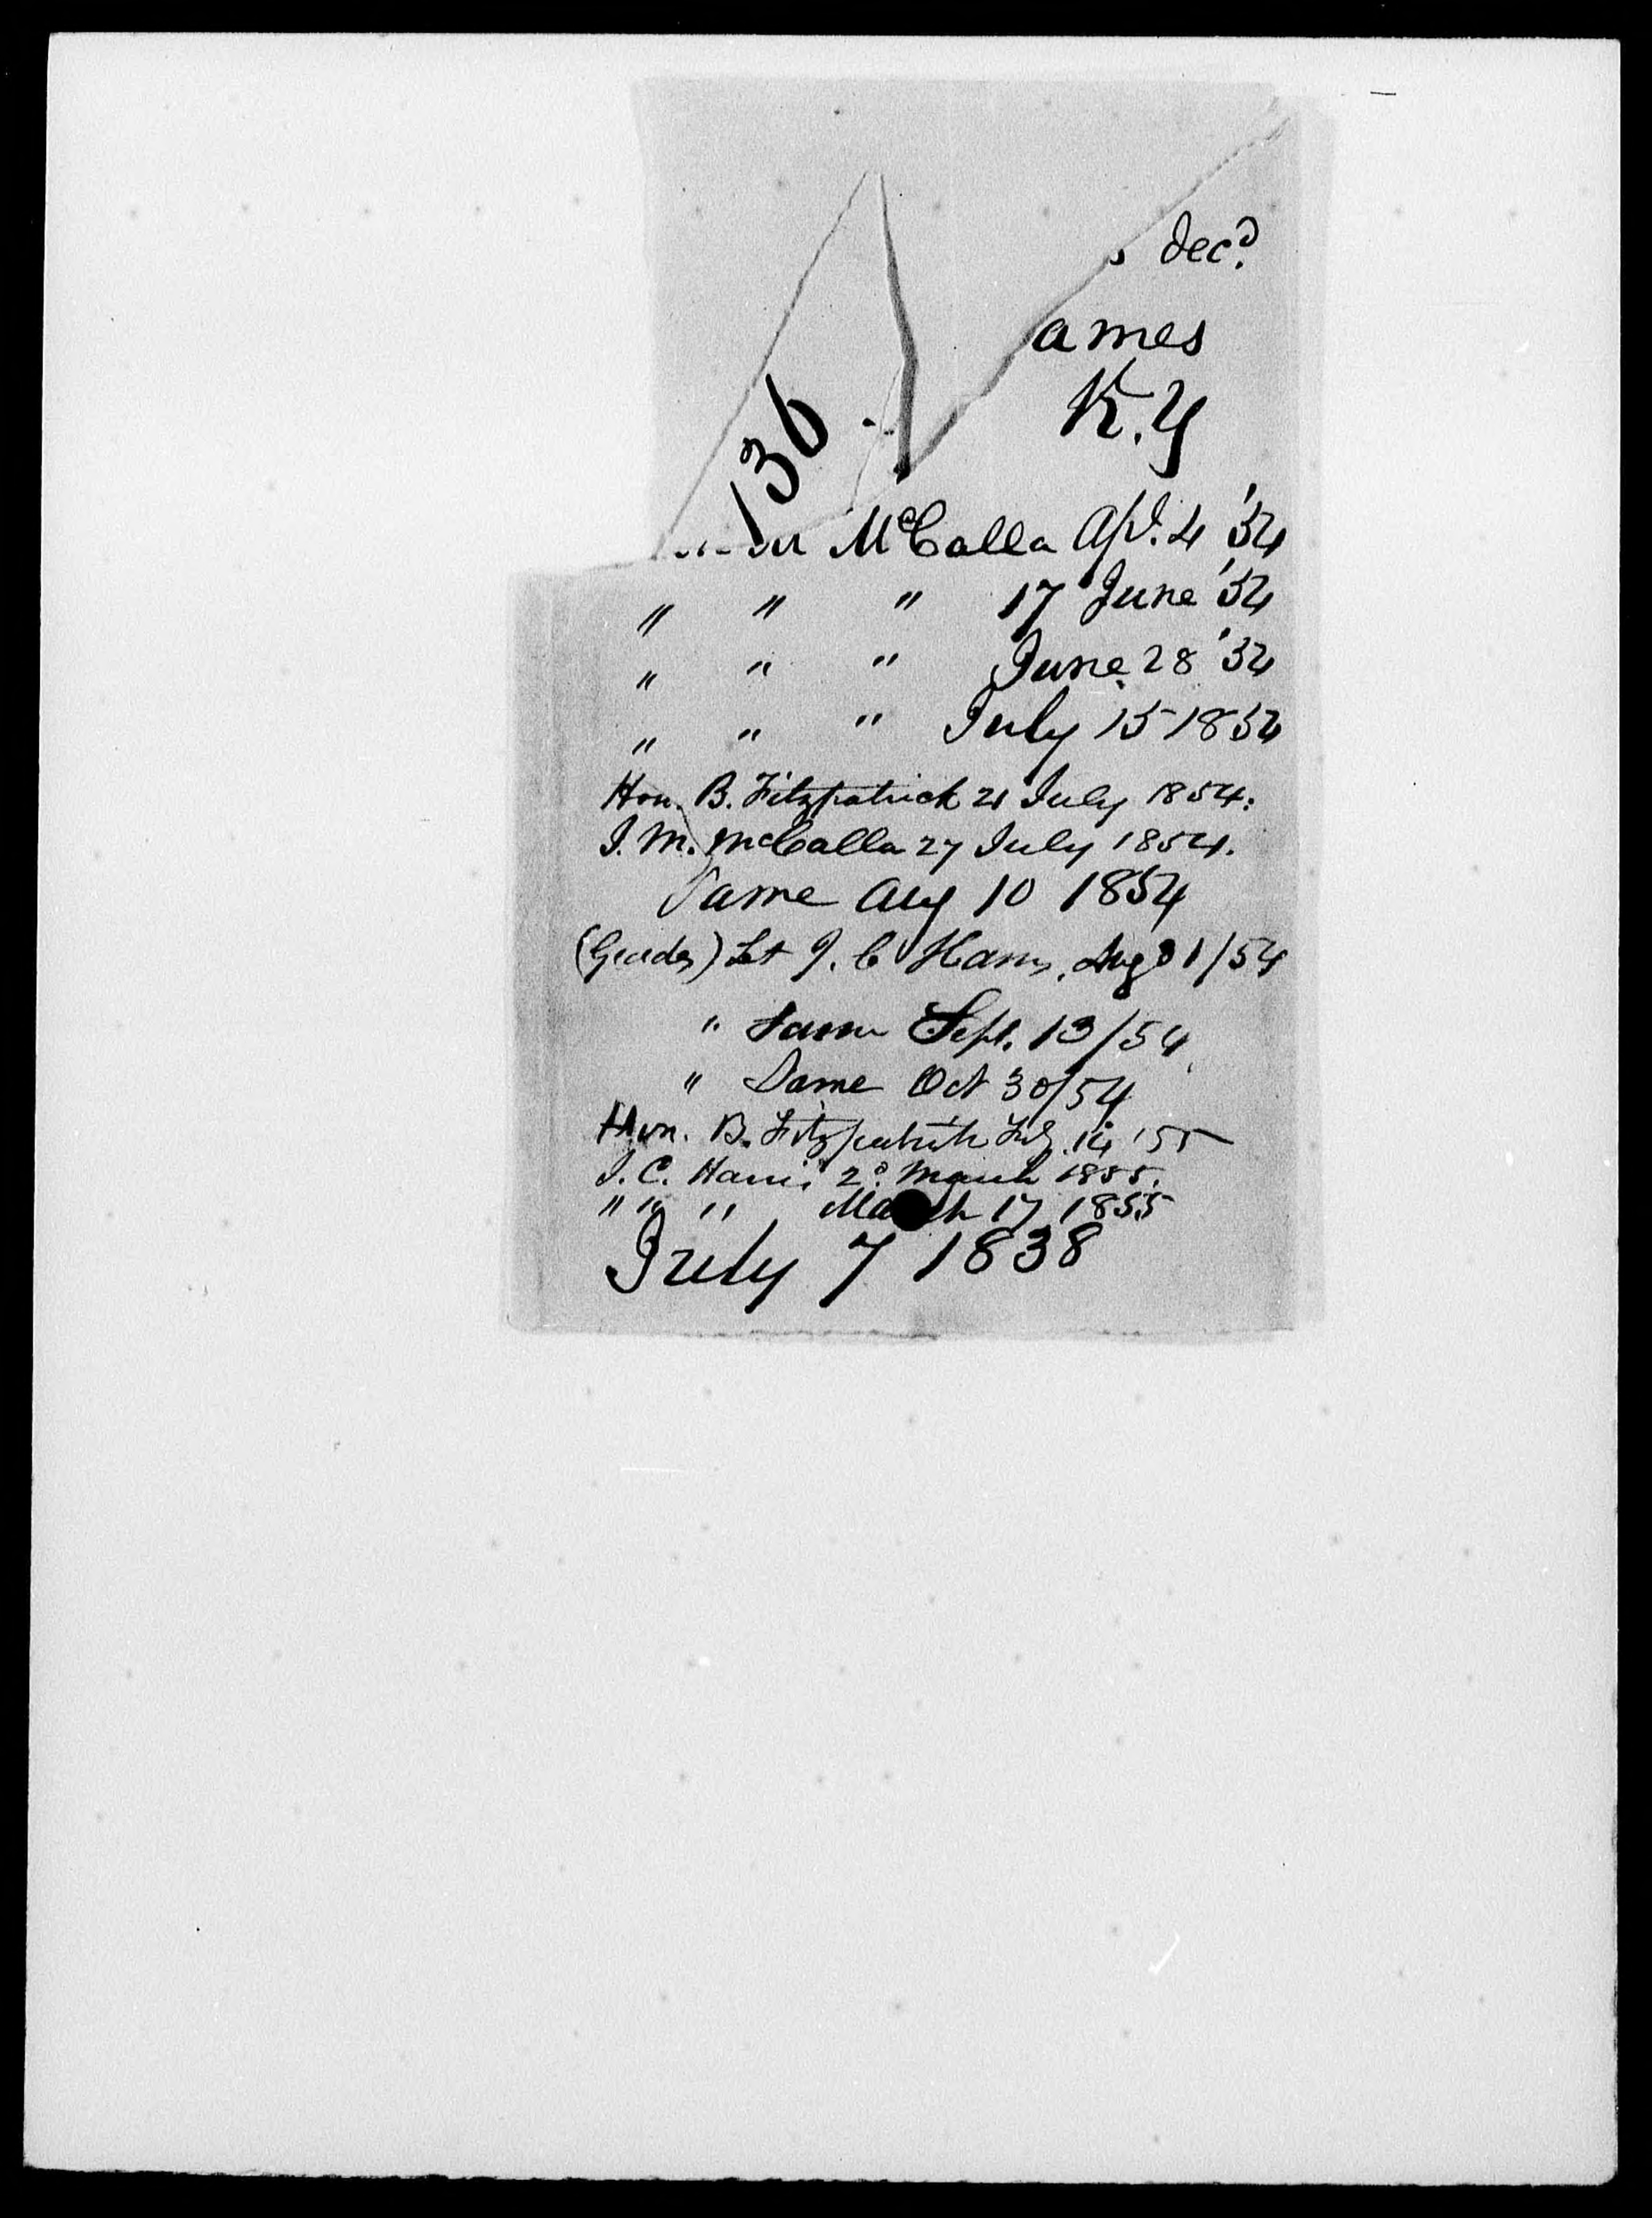[item is torn at the top and folded over]

136

decd

[J]ames

K.Y

[?] McCalla  Apl. 4 '54
"  "  "           17 June '54
"  "  "            June 28 '54
"  "  "            July 15 1854
Hon B. Fitzpatrick 21 July 1854
J. M McCalla 27 July 1854
same Aug 10 1854
(G[?]) Let J. C. Harris, Aug 21 / 54
 "    Same  Sept. 13/54
  "   Same Oct 3o / 54
Hon B. Fitzpatrick Feby 14 '55
J. C. Harris 2d March 1855
  "   "   "   March 17, 1855
July 7 1838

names: B Fitzpatrick, J M Mc Calla, J C Harris, B Fitzpatrick, J C Harris, Mc Calla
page: 117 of 160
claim: rejected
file: R. 4666, James Harris, Va.